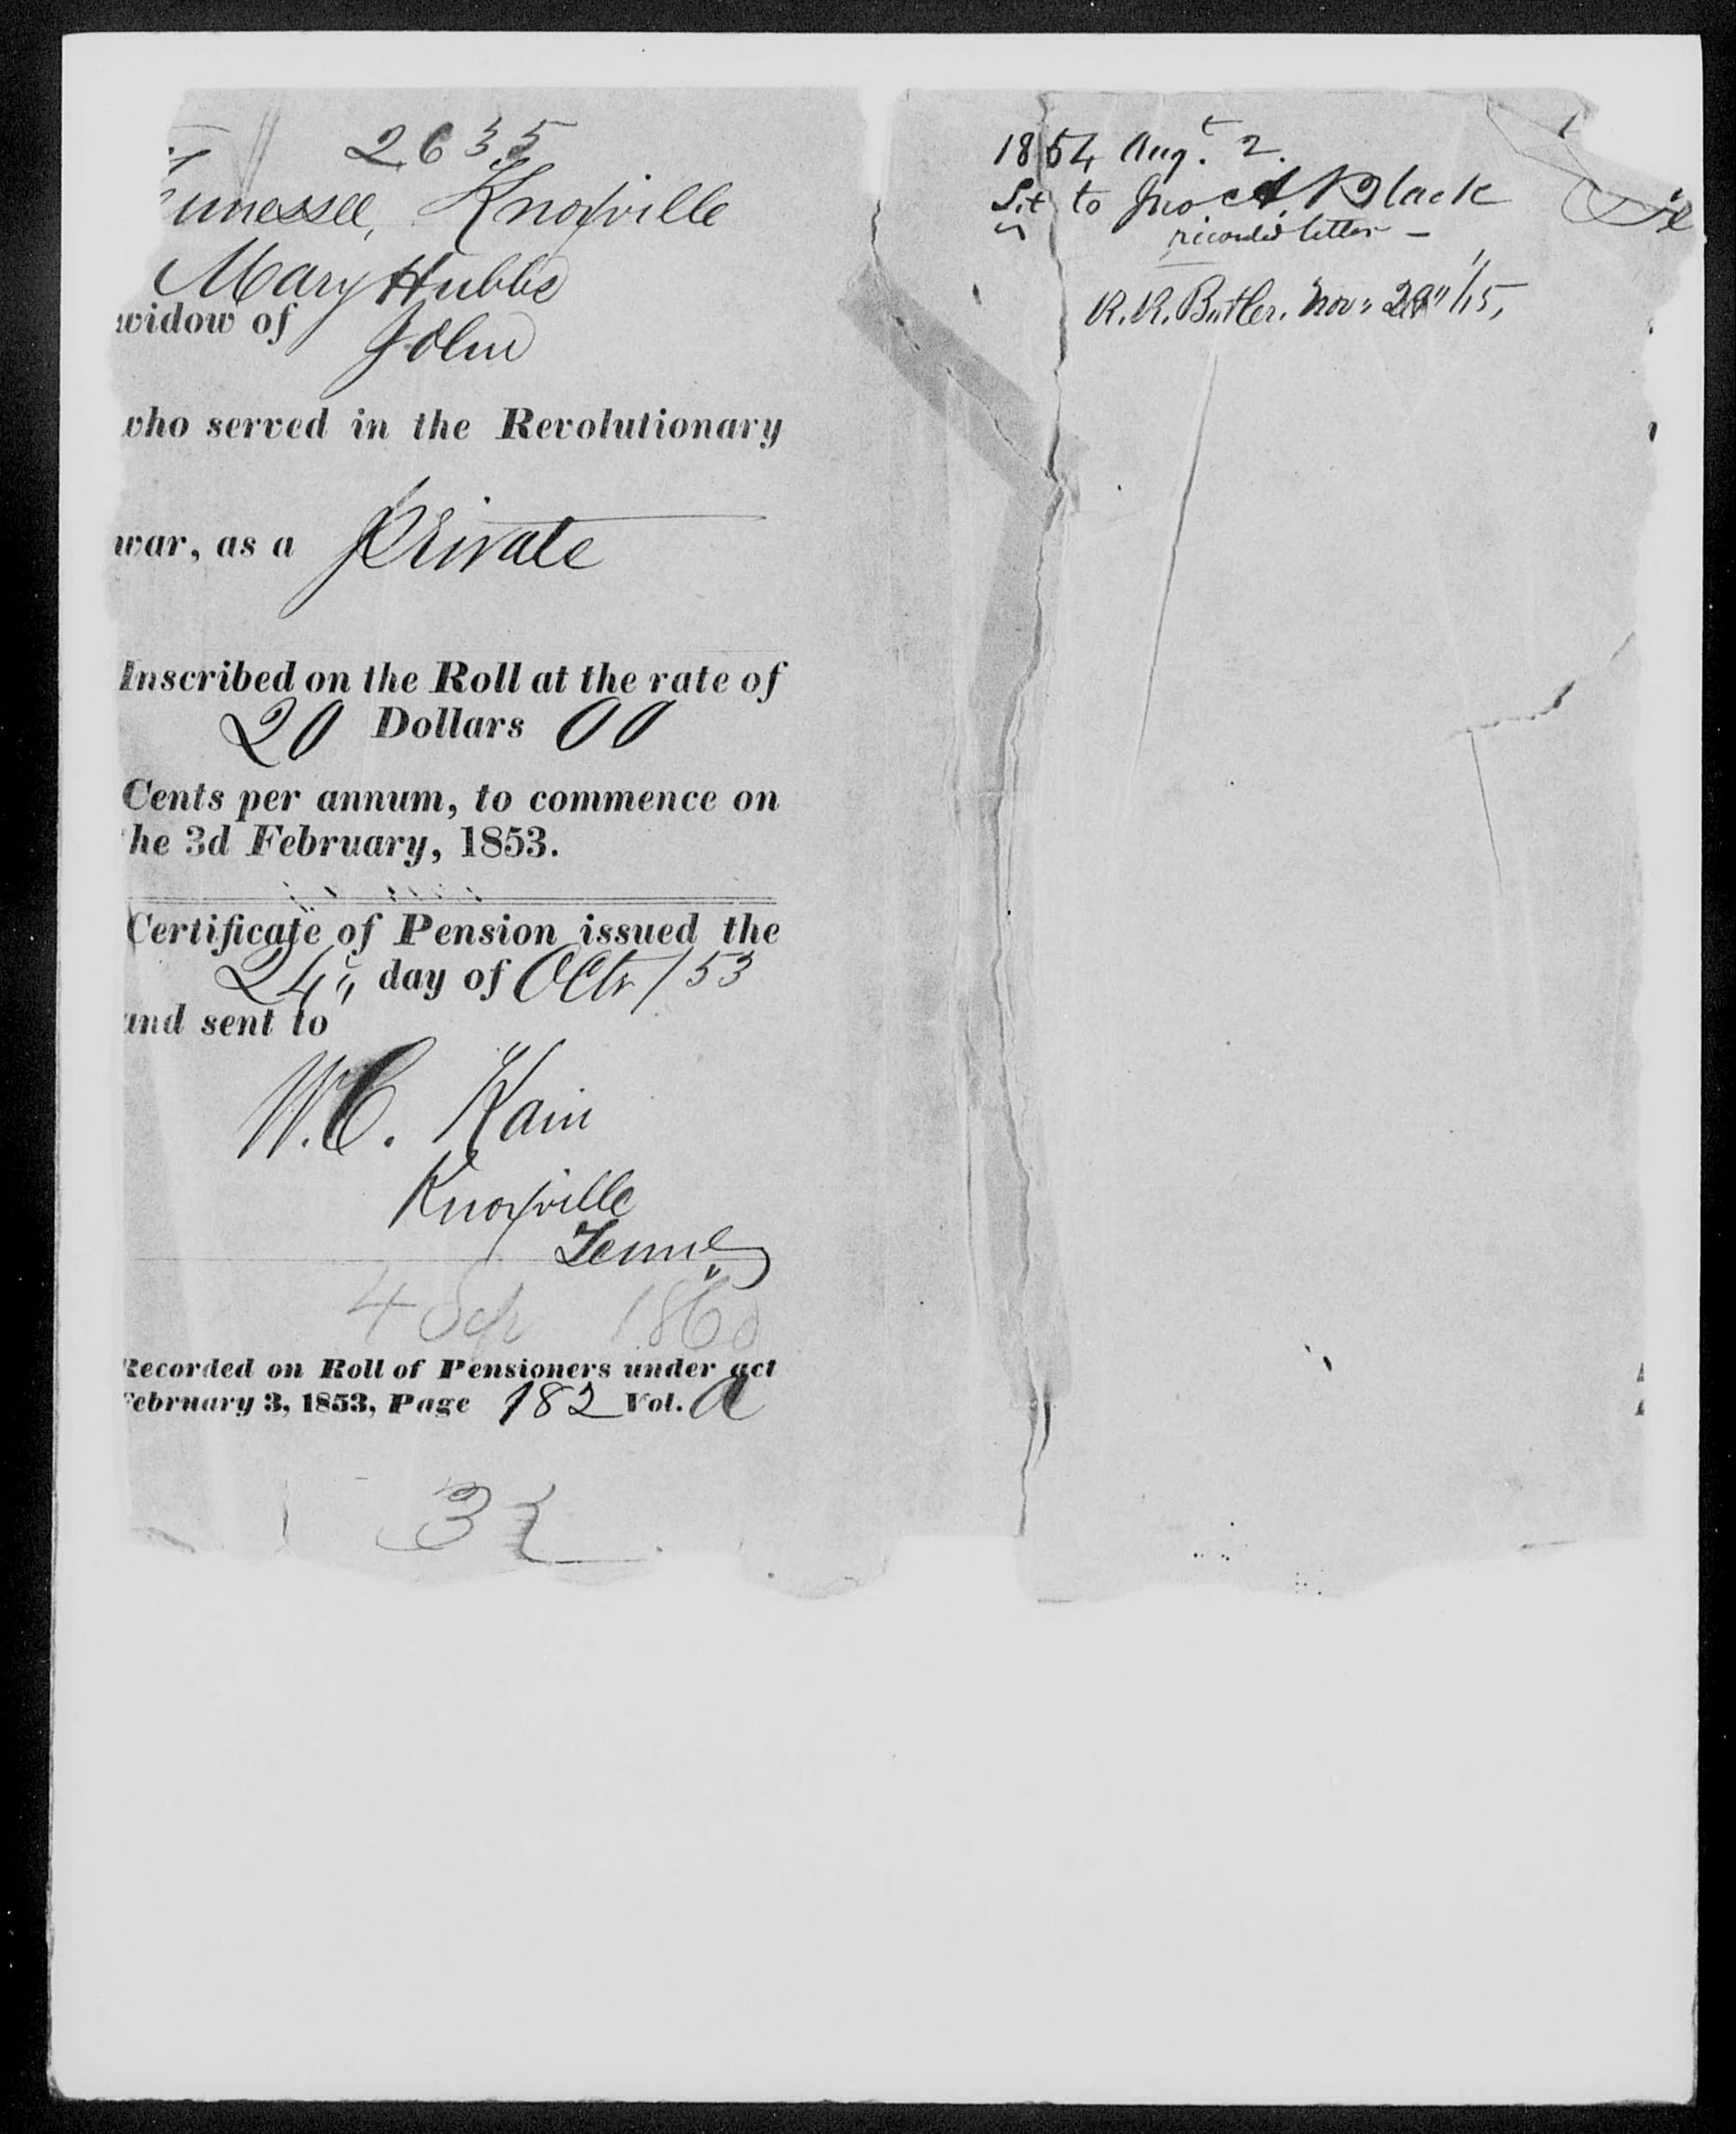2.635
Tennessee, Knoxville
Mary Hubbs widow of John Who Served in the Revolutionary war, as a Private inscribed on the Roll at the rate of 20 Dollars 00 Cents per annum, to commence on the 3d February, 1853.
----------------------------
Certificate of Pension issued the 24th day of Octr. /53 and sent to W.C. Kain Knoxville Tenn
 4 Sep 1860
Recorded on Roll of Pensioners under 
act February 3, 1853,
Page 182 Vol A
3
---------------

1854 Aug 2
Let to Jno. A. Black
recorded letter -
R.R. Butler, Nov 29th /'15,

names: Jno A Black, Mary Hubbs, W C Kain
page: 43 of 86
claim: widow's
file: W. 1035, John Hubbs, S.C.